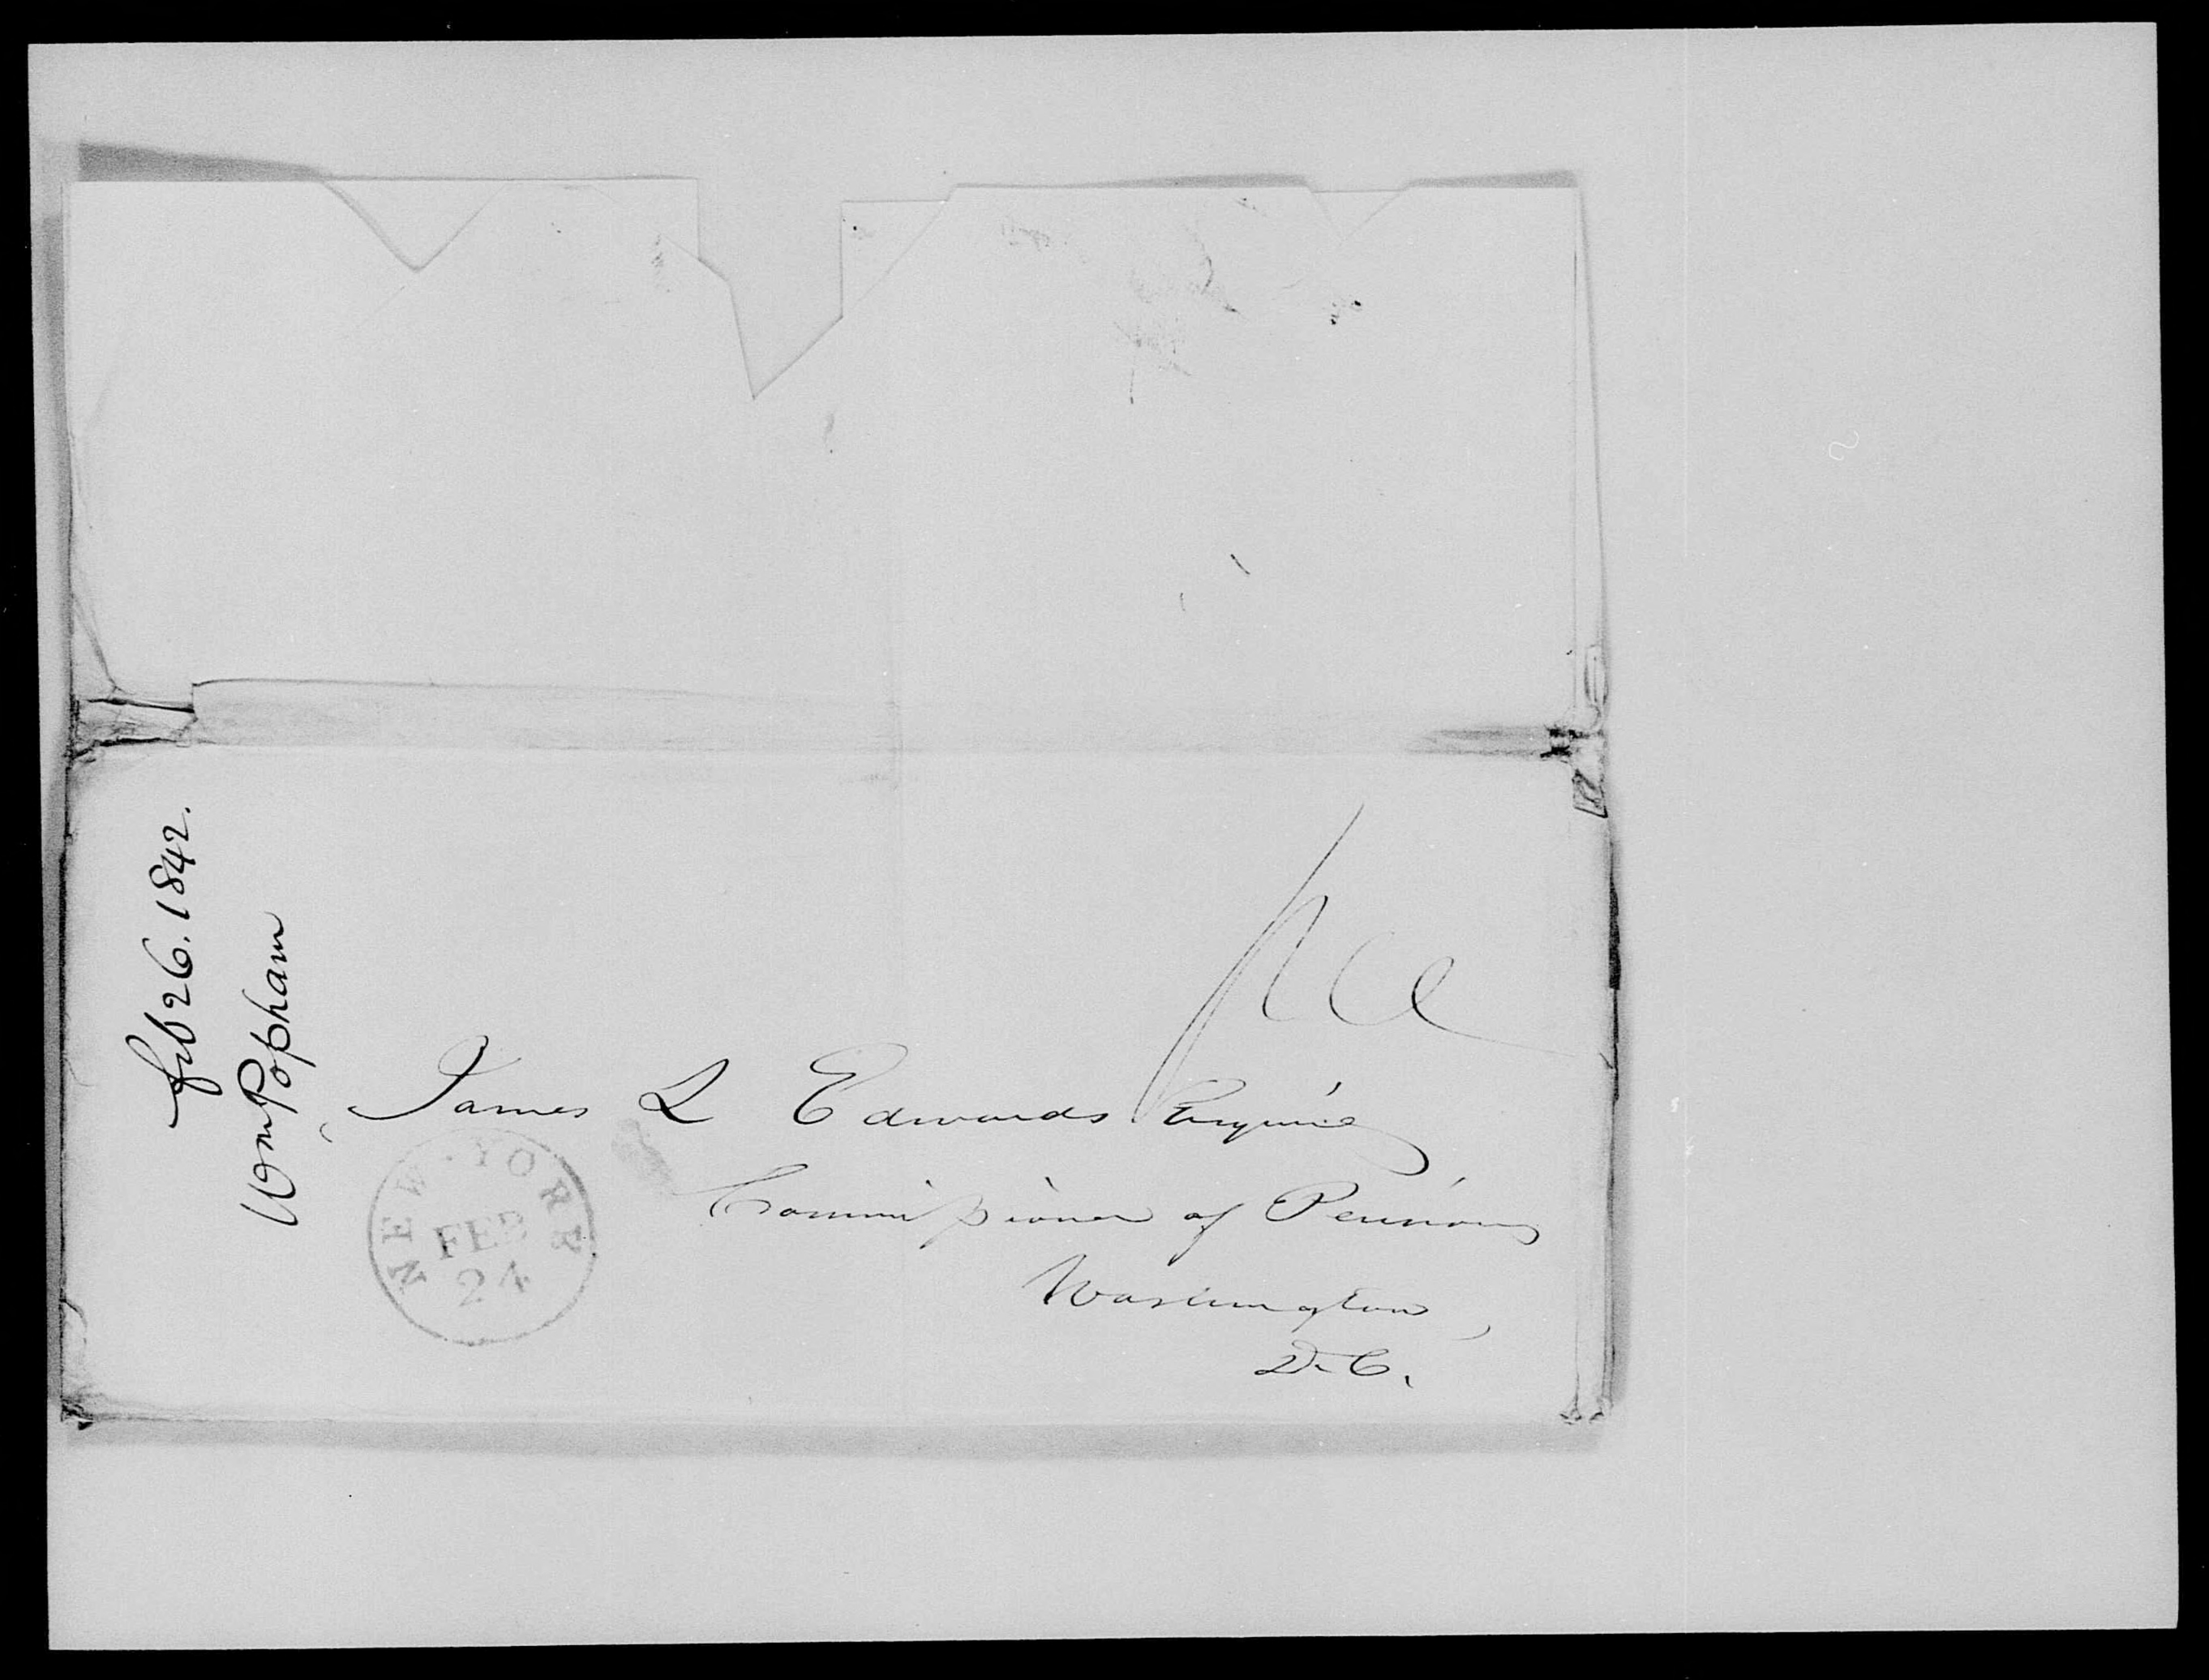Feb 26. 1842.
Wm Popham  sce
James L Edwards Esquire
Commissioner of Pensions
Washington D.C.
[Black Stamp] NEW YORK FEB 24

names: James L Edwards; Wm Popham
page: 13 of 75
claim: survivor's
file: S. 9989, for William Popham, Delaware